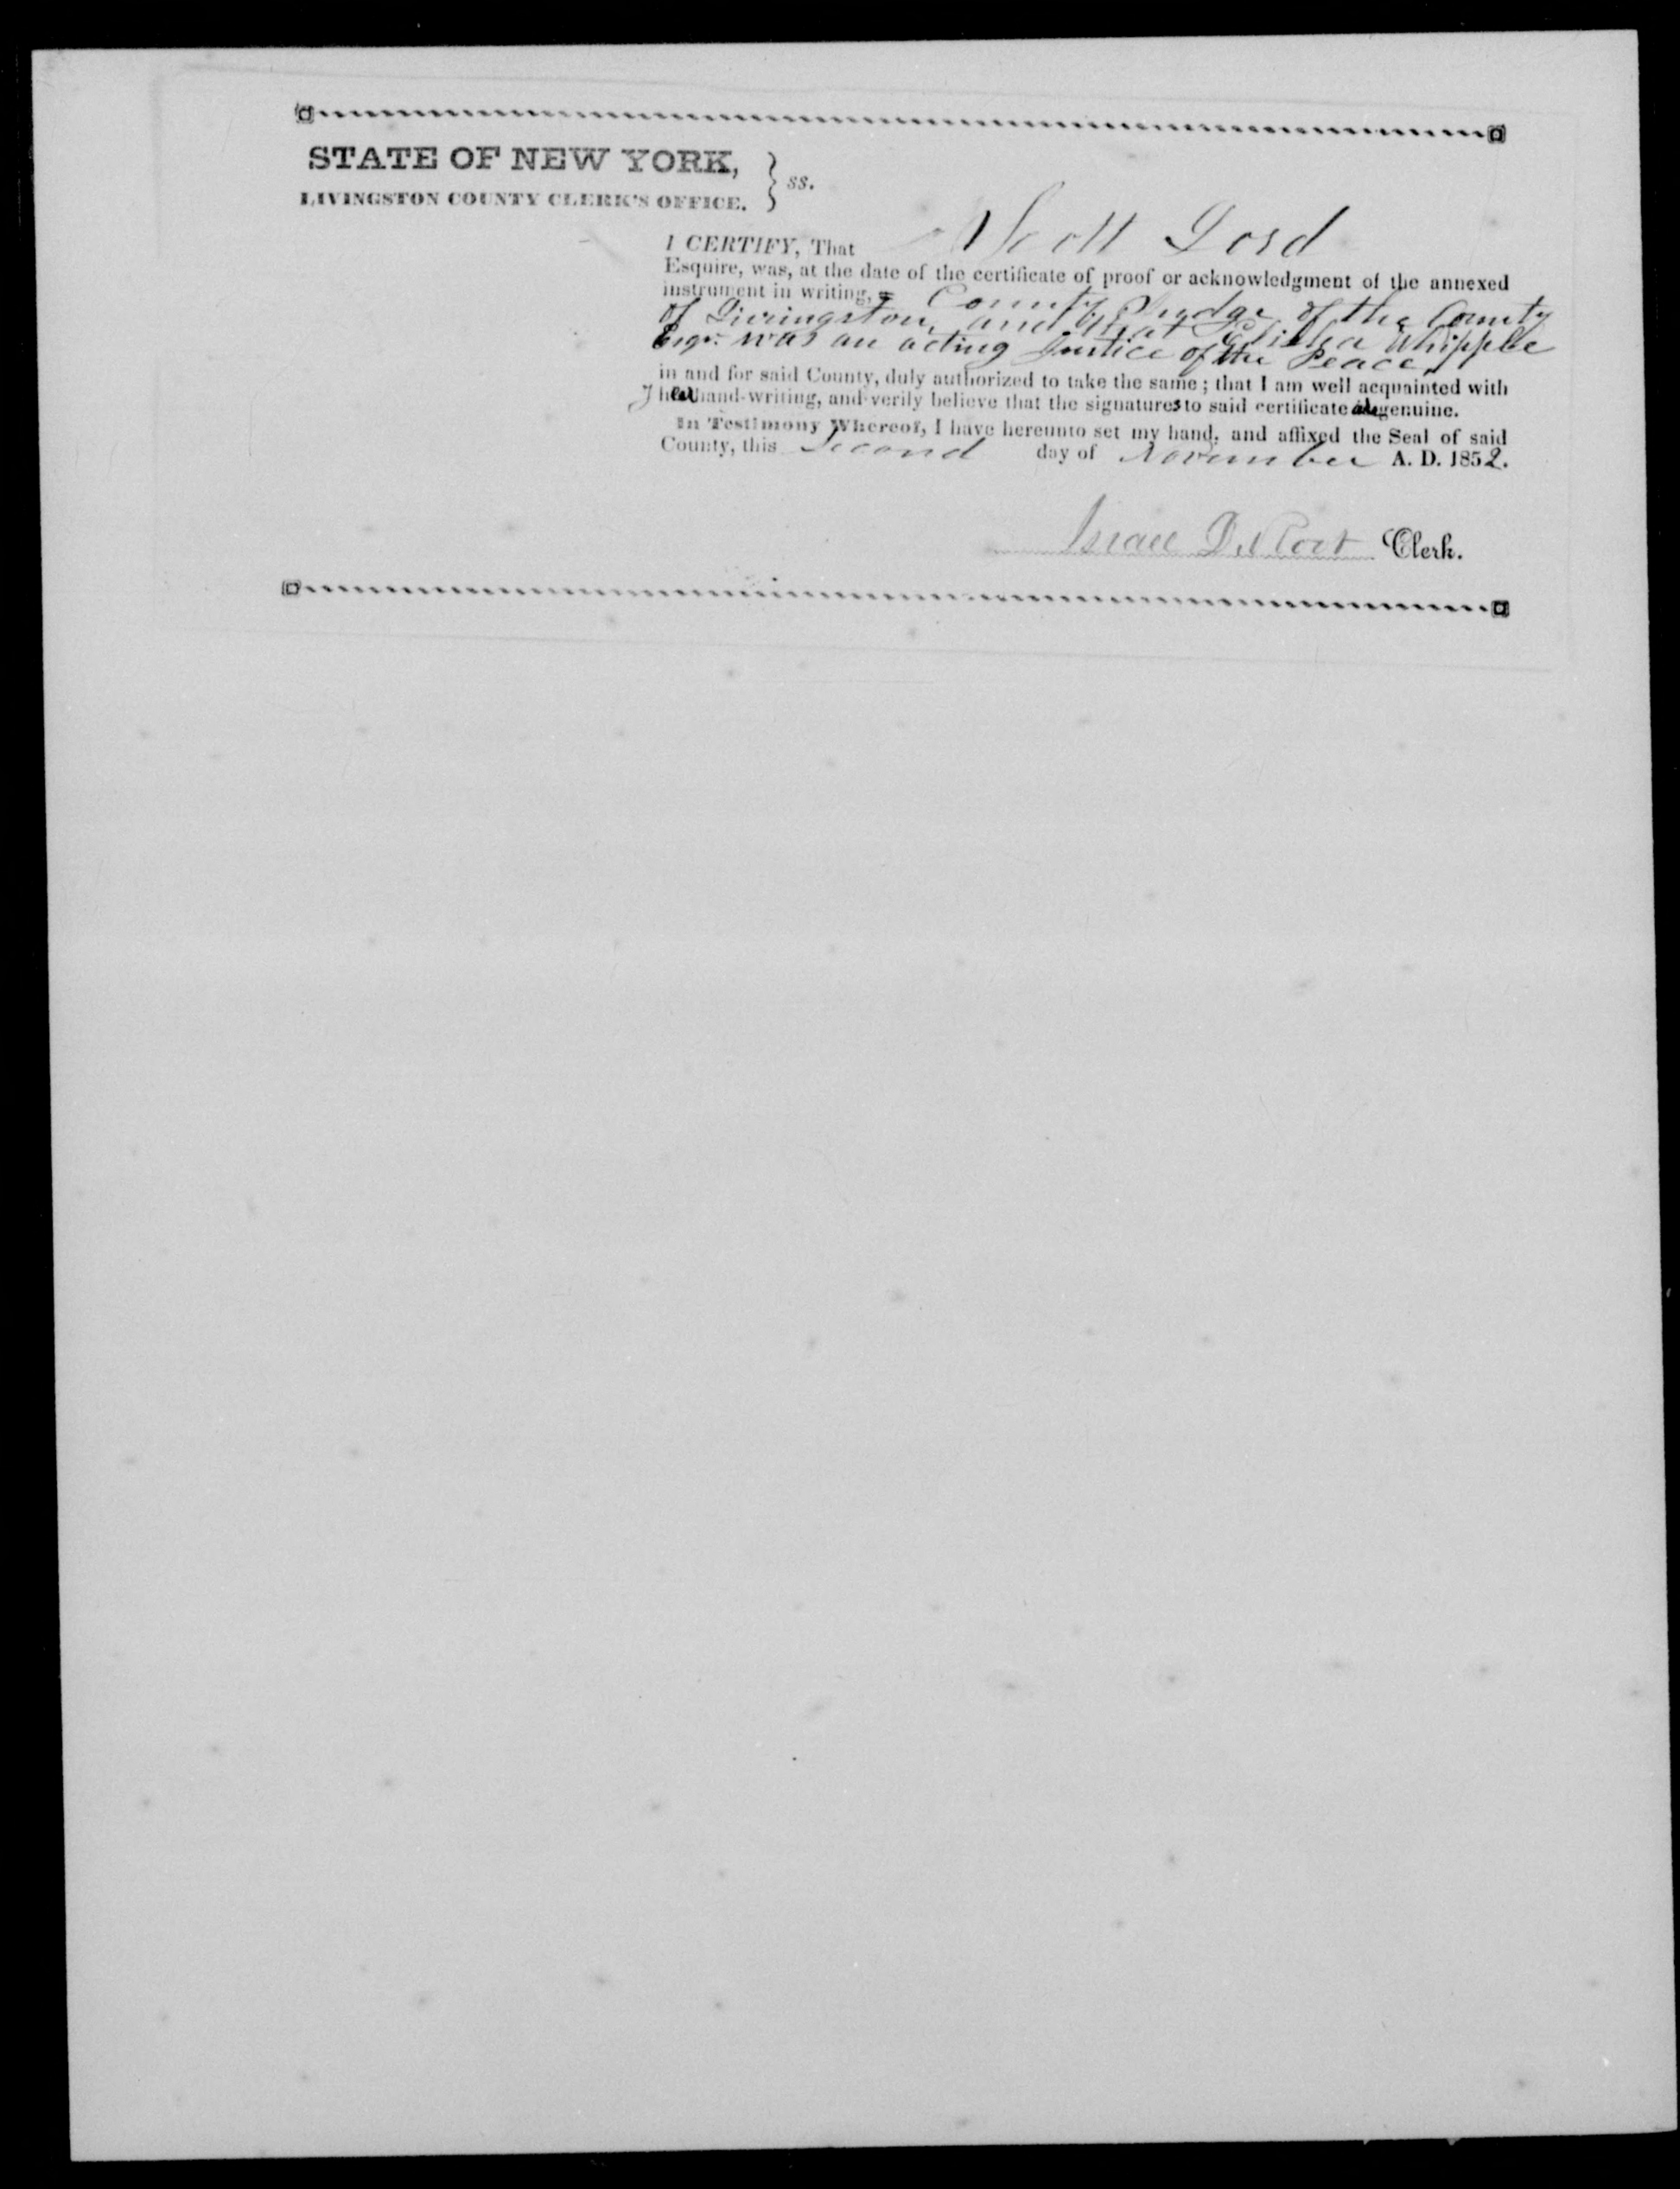State of New York, Livingston County Clerk's Office, SS.
I Certify, That Scott Lord Esquire, was, at the date of the certificate of proof or acknowledgment of the annexed instrument in writing, County Judge of the Courty of Livingston, and that Elisha Whipple Esqr. was an acting Justice of the Peace, in and for said County, duly authorized to take the same; that I am well acquainted with their hand-writing and verily believe that the signatures to said certificate are genuine.
In testimony Whereof, I have hereunto set my hand, and affixed the Seal of said County, this Second day of November A. D. 1852.
Israel D. Root Clerk.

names: Elisha Whipple; Scott Lord; Israel D Root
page: 8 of 33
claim: rejected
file: R. 5603, for Nathan Spicer, New York